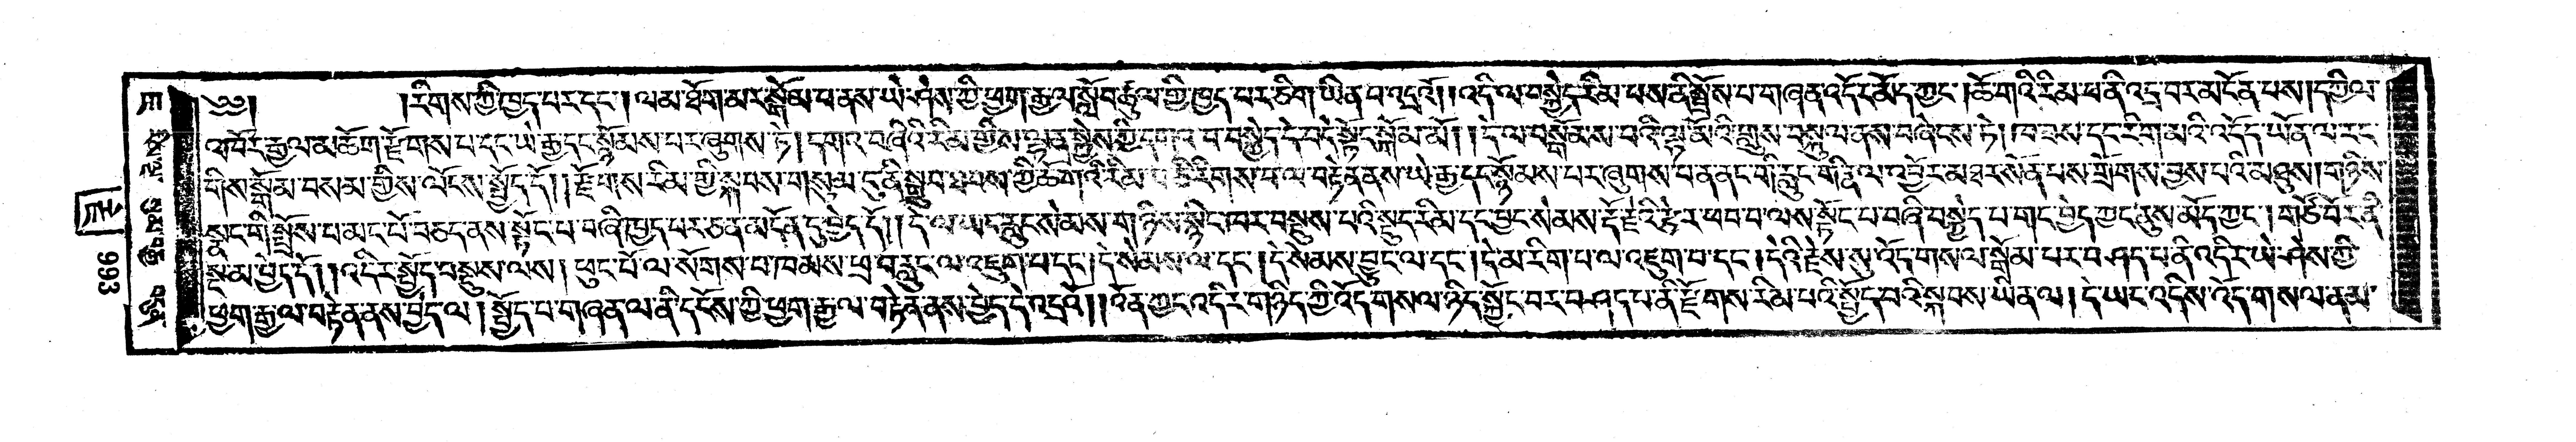༄༅། །རིགས་ཀྱི་ཁྱད་པར་དང་། ལམ་ཐོག་མར་སྒོམ་པ་ནས་ཡེ་ཤེས་ཀྱི་ཕྱག་རྒྱ་ལ་སློབ་ཚུལ་གྱི་ཁྱད་པར་ཅིག་ཡིན་པ་འདྲའོ། །འདི་ལ་བསྐྱེད་རིམ་པས་ནི་སྤྲོས་པ་གཞན་འདོར་མོད་ཀྱང་། ཆོ་གའི་རིམ་པ་ནི་འདྲ་བར་མངོན་པས། དཀྱིལ་
འཁོར་རྒྱལ་མཆོག་རྫོགས་པ་དང་ཡེ་རྒྱ་དང་སྙོམས་པར་ཞུགས་ཏེ། དགའ་བཞིའི་རིམ་གྱིས་ལྷན་སྐྱེས་ཀྱི་དགའ་བ་བསྐྱེད་དེ་བདེ་སྟོང་སྒོམ་མོ། །དེ་ལ་བསྒོམས་པའི་ལྷ་མོའི་གླུས་བསྐུལ་ནས་བཞེངས་ཏེ། ཁ་ཟས་དང་རིག་མའི་འདོད་ཡོན་ལ་རང་
གིས་སྒོམ་བསམ་གྱིས་ལོངས་སྤྱོད་དོ། །རྫོགས་རིམ་གྱི་སྐབས་གསུམ་དུ་ནི་སྒྲུབ་ཐབས་ཀྱི་ཆོ་གའི་རིམ་པ་ཅི་རིགས་པ་ལ་བརྟེན་ནས་ཡེ་རྒྱ་དང་སྙོམས་པར་ཞུགས་པ་ན་ནང་གི་རླུང་གི་རྣལ་འབྱོར་མཐར་སོན་པས་གྲོགས་བྱས་པའི་མཐུས། གཉིས་
སྣང་གི་སྤྲོས་པ་མང་པོ་བཅད་ནས་སྟོང་པ་བཞི་ཁྱད་པར་ཅན་མངོན་དུ་བྱེད་དོ། །དེ་ལ་ཡང་རླུང་སེམས་གཉིས་སྙིང་ཁར་བསྡུས་པའི་སྡུད་རིམ་དང་བྱང་སེམས་རྡོ་རྗེའི་རྩེར་ཕབ་པ་ལས་སྟོང་པ་བཞི་བསྐྱེད་པ་གང་བྱེད་ཀྱང་ནུས་མོད་ཀྱང་། གཙོ་བོར་ནི་
སྔ་མ་བྱེད་དོ། །འདིར་སྤྱོད་བསྡུས་ལས། ཕུང་པོ་ལ་སོགས་པ་ཁམས་ཕྲ་བ་རླུང་ལ་འཇུག་པ་དང་། དེ་སེམས་ལ་དང་། དེ་སེམས་བྱུང་ལ་དང་། དེ་མ་རིག་པ་ལ་འཇུག་པ་དང་། དེའི་རྗེས་སུ་འོད་གསལ་སྒོམ་པར་བཤད་པ་ནི་འདིར་ཡེ་ཤེས་ཀྱི་
ཕྱག་རྒྱ་ལ་བརྟེན་ནས་བྱེད་ལ། སྤྱོད་པ་གཞན་ལ་ནི་དངོས་ཀྱི་ཕྱག་རྒྱ་ལ་བརྟེན་ནས་བྱེད་དེ་འདྲའོ། །འོན་ཀྱང་འདིར་གཉིད་ཀྱི་འོད་གསལ་ཉིད་སྐྱོང་བར་བཤད་པ་ནི་རྫོགས་རིམ་པའི་སྤྱོད་པའི་སྐབས་ཡིན་ལ། དེ་ཡང་འདིས་འོད་གསལ་ནམ་